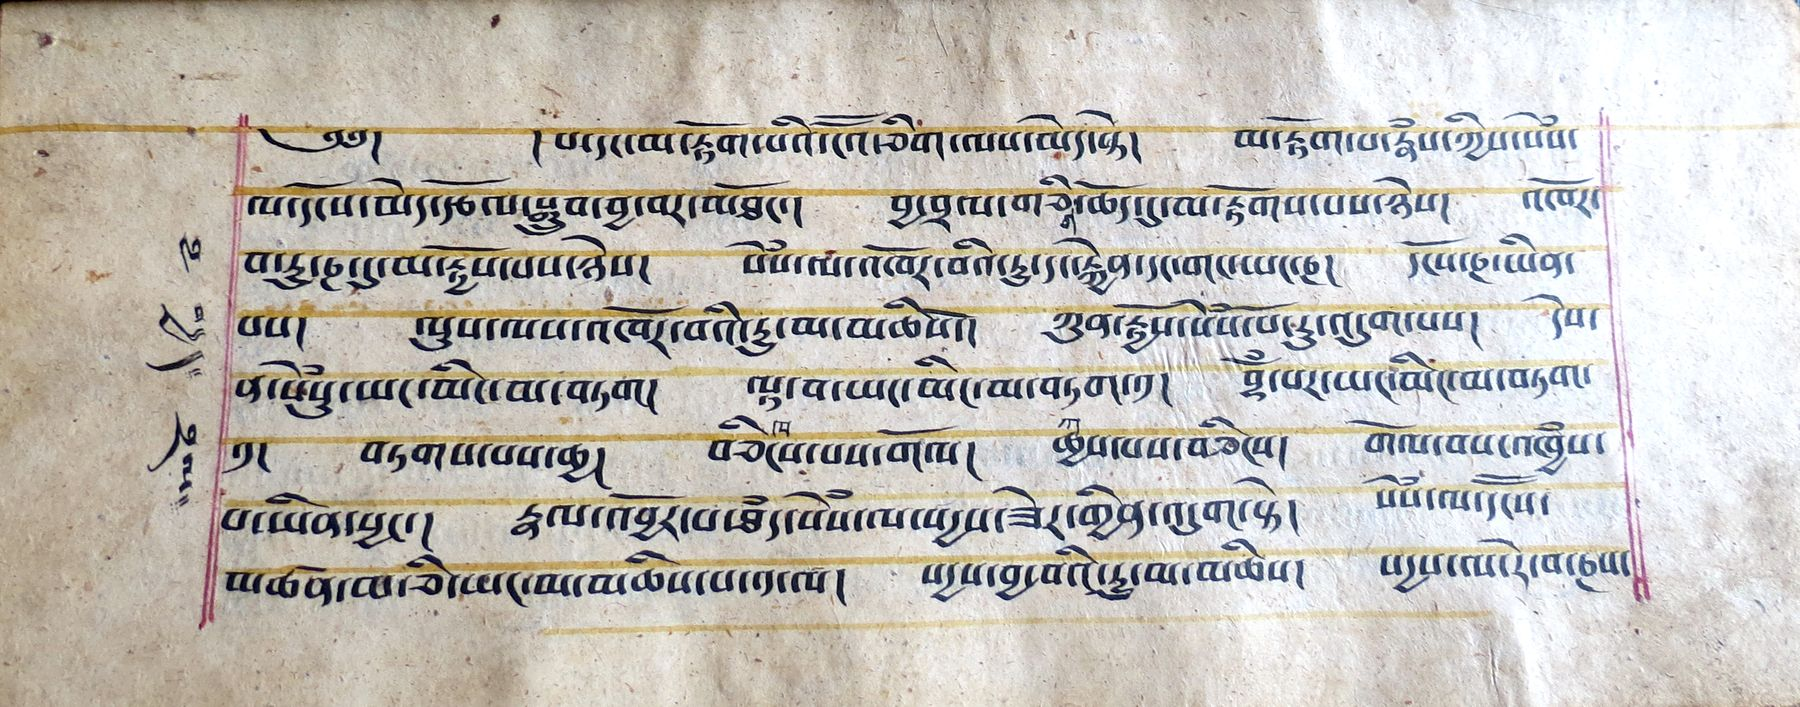པ་དང་མ་རྟོགས་པའི་ངོ་བོ་གཅིག་ལས་མེད་པ་སྟེ། མ་རྟོགས་པ་རྣམས་ཀྱིས་སེམས་
ལ་དངོས་མེད་ལ་རྩོལ་སྒྲུབ་བྱ་བར་མཐོང་། བྱ་བྲལ་གཅིག་ཆོད་དུ་མ་རྟོགས་པས་ཉེས། འཁོར་
བ་རྒྱུ་མེད་དུ་མ་རྟོགས་པས་ཉེས། སེམས་ལ་འཁོར་བའི་རྒྱུ་དང་རྐྱེན་གང་ཡང་མེད། དངོས་མེད་ཡིན་
པས། ལུས་ལ་འཁོར་བའི་རྒྱུ་མ་མཆིས་སོ། །ཀུན་བཏགས་བེམ་པོ་རུ་འདུག་པས། དེས་
ན་སེམས་སུ་ཡང་མིང་མ་བཏགས་ཤིག ལྟ་བར་ཡང་མིང་མ་བཏགས་ཤིག སྒོམ་པར་ཡང་མིང་མ་བཏགས་
ཤིག བཏགས་པས་ཆགས། ཆགས་པས་འཆིང་། བཅིངས་པས་གོལ། གོལ་བས་འཁྱམས་
པ་ཡིན་གསུང་། རྣལ་འབྱོར་པ་ཐམས་ཅད་སེམས་ལ་སངས་རྒྱས་ཡིན་ཟེར་གྱིན་འདུག་སྟེ། སེམས་ལ་དངོས་པོ་
མཚན་མ་ཅི་ཡང་མ་མཆིས་པ་ཅིག་ལགས། སངས་རྒྱས་བྱ་བའི་རྒྱུ་མ་མཆིས། སངས་རྒྱས་ལ་རེ་བ་མེད་